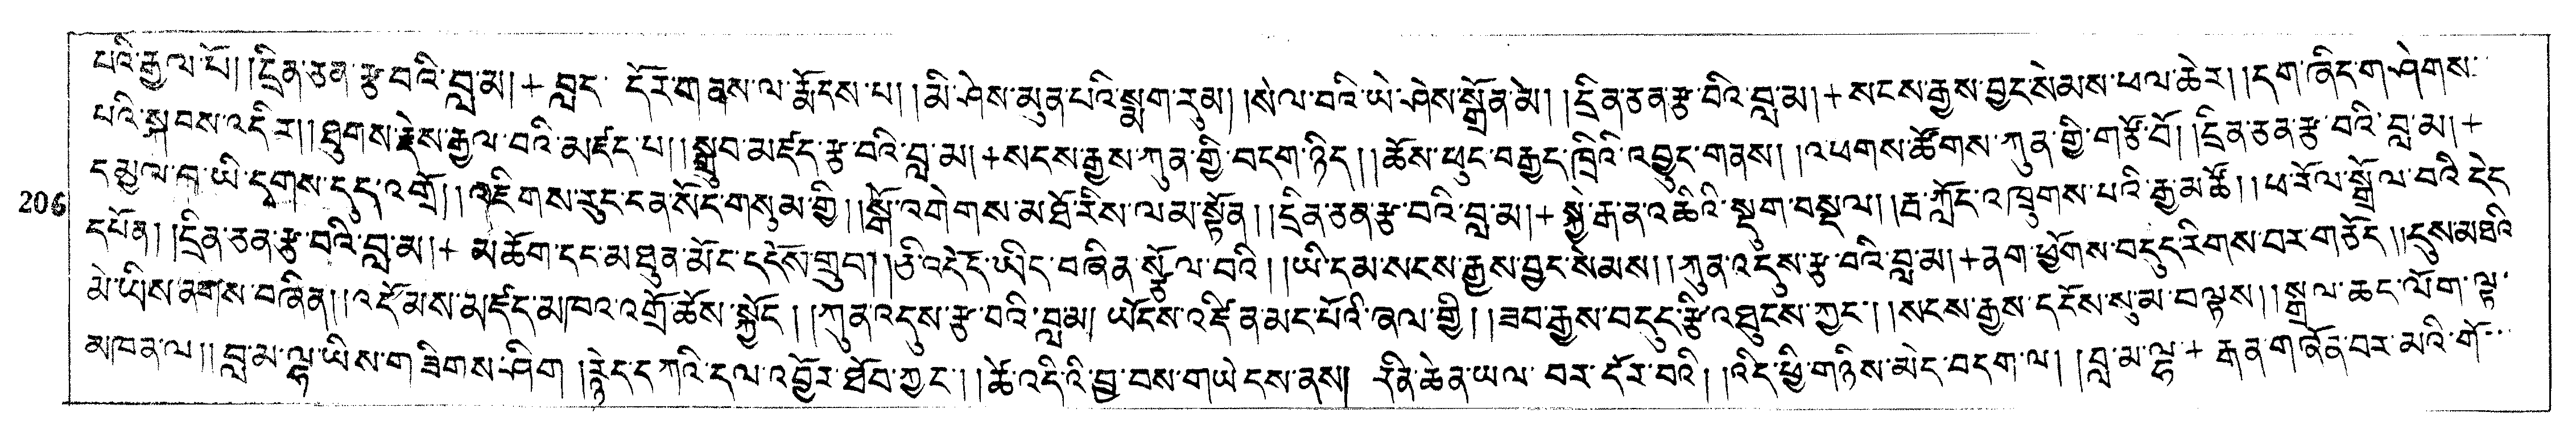པའི་རྒྱལ་པོ། །དྲིན་ཅན་རྩ་བའི་བླ་མ། ྾་བླང་དོར་གནས་ལ་རྨོངས་པ། །མི་ཤེས་མུན་པའི་སྨག་རུམ། །སེལ་བའི་ཡེ་ཤེས་སྒྲོན་མེ། །དྲིན་ཅན་རྩ་བའི་བླ་མ། ྾་སངས་རྒྱས་བྱང་སེམས་ཕལ་ཆེར། །དག་ཞིང་གཤེགས་
པའི་སྐབས་འདིར། །ཐུགས་རྗེས་རྒྱལ་བའི་མཛད་པ། །སྒྲུབ་མཛད་རྩ་བའི་བླ་མ། ྾་སངས་རྒྱས་ཀུན་གྱི་བདག་ཉིད། །ཆོས་ཕུང་བརྒྱད་ཁྲིའི་འབྱུང་གནས། །འཕགས་ཚོགས་ཀུན་གྱི་གཙོ་བོ། །དྲིན་ཅན་རྩ་བའི་བླ་མ། ྾་
དམྱལ་བ་ཡི་དྭགས་དུད་འགྲོ། །འཇིགས་རུང་ངན་སོང་གསུམ་གྱི། །སྒོ་འགེགས་མཐོ་རིས་ལམ་སྟོན། །དྲིན་ཅན་རྩ་བའི་བླ་མ། ྾་སྐྱེ་རྒ་ན་འཆིའི་སྡུག་བསྔལ། །རྦ་ཀློང་འཁྲུགས་པའི་རྒྱ་མཚོ། །ཕ་རོལ་སྒྲོལ་བའི་དེད་
དཔོན། །དྲིན་ཅན་རྩ་བའི་བླ་མ། ྾་མཆོག་དང་མཐུན་མོང་དངོས་གྲུབ། །ཅི་འདོད་ཡིད་བཞིན་སྩོལ་བའི། །ཡི་དམ་སངས་རྒྱས་བྱང་སེམས། །ཀུན་འདུས་རྩ་བའི་བླ་མ། ྾་ནག་ཕྱོགས་བདུད་རིགས་བར་གཅོད། །དུས་མཐའི་
མེ་ཡིས་ནགས་བཞིན། །འཇོམས་མཛད་མཁའ་འགྲོ་ཆོས་སྐྱོང་། །ཀུན་འདུས་རྩ་བའི་བླ་མ། ྾་ཡོངས་འཛིན་མང་པོའི་ཞལ་གྱི། །ཟབ་རྒྱས་བདུད་རྩི་འཐུངས་ཀྱང་། །སངས་རྒྱས་དངོས་སུ་མ་བལྟས། །སྐལ་ཆད་ལོག་ལྟ་
མཁན་ལ། །བླ་མ་ལྷ་ཡིས་གཟིགས་ཤིག །རྙེད་དཀའི་དལ་འབྱོར་ཐོབ་ཀྱང་། །ཚེ་འདིའི་བྱ་བས་གཡེངས་ནས། །དོན་ཆེན་ཡལ་བར་དོར་བའི། །འདི་ཕྱི་གཉིས་མེད་བདག་ལ། །བླ་མ་ལྷ་྾་རྒན་གཞོན་བར་མའི་གོ་